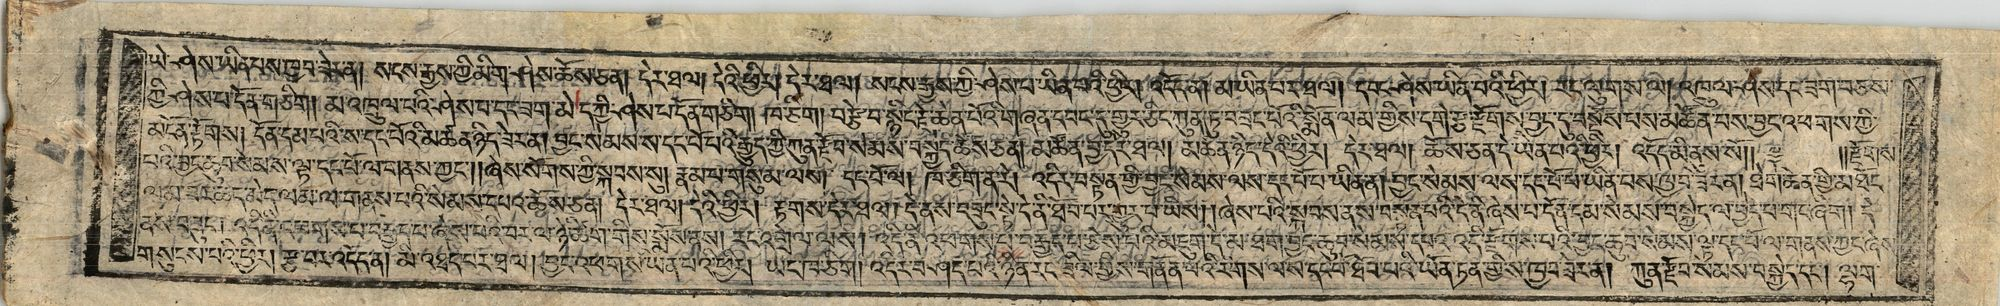ཡེ་ཤེས་ཡིན་པས་ཁྱབ་ཟེར་ན། སངས་རྒྱས་ཀྱི་མིག་ཤེས་ཆོས་ཅན། དེར་ཐལ། དེའི་ཕྱིར། དེར་ཐལ། སངས་རྒྱས་ཀྱི་ཤེས་པ་ཡིན་པའི་ཕྱིར། འདོད་ན། མ་ཡིན་པར་ཐལ། དབང་ཤེས་ཡིན་པའི་ཕྱིར། ༈ རང་ལུགས་ལ། འཁྲུལ་ཤེས་དང་ཟག་བཅས་
ཀྱི་ཤེས་པ་དོན་གཅིག །མ་འཁྲུལ་པའི་ཤེས་པ་དང་ཟག་མེད་ཀྱི་ཤེས་པ་དོན་གཅིག །ཁ་ཅིག །བརྩེ་བ་སྙིང་རྗེ་ཆེན་པོའི་གཞན་དབང་དུ་གྱུར་ཅིང་ཀུན་ཏུ་བཟང་པོའི་སྨོན་ལམ་གྱིས་དགེ་རྩ་རྫོགས་བྱང་དུ་བསྔོས་པས་མཚོན་པས་བྱང་འཕགས་ཀྱི་
མངོན་རྟོགས། དོན་དམ་པའི་ས་དང་པོའི་མཚན་ཉིད་ཟེར་ན། བྱང་སེམས་ས་དང་པོ་པའི་རྒྱུད་ཀྱི་ཀུན་རྫོབ་སེམས་བསྐྱེད་ཆོས་ཅན། མཚོན་བྱ་དེར་ཐལ། མཚན་ཉིད་དེའི་ཕྱིར། དེར་ཐལ། ཆོས་ཅན་དེ་ཡིན་པའི་ཕྱིར། འདོད་མི་ནུས་སོ།། ༈ །།རྫོགས་
པའི་བྱང་ཆུབ་སེམས་ལྟ་དང་པོ་ལ་གནས་ཀྱང་། །ཞེས་སོགས་ཀྱི་སྐབས་སུ། རྣམ་པ་གསུམ་ལས། དང་པོ་ལ། ཁ་ཅིག་ན་རེ། འདིར་བསྟན་གྱི་བྱང་སེམས་ལས་དང་པོ་པ་ཡིན་ན། བྱང་སེམས་ལས་དང་པོ་པ་ཡིན་པས་ཁྱབ་ཟེར་ན། ཐེག་ཆེན་གྱི་མཐོང་
ལམ་བར་ཆད་མེད་ལམ་ལ་གནས་པའི་སེམས་དཔའ་ཆོས་ཅན། དེར་ཐལ། དེའི་ཕྱིར། རྟགས་དེར་ཐལ། དེ་ནས་བཟུང་སྟེ་དེ་ནི་ཐོབ་པར་གྱུར་པ་ཡིས། །ཞེས་པའི་སྐབས་ནས་བསྟན་པའི་དེ་ནི་ཞེས་པ་དོན་དམ་སེམས་བསྐྱེད་ལ་བྱེད་པ་གང་ཞིག །དེ་
ནས་བཟུང་། འདི་ནི་འཕགས་པ་བརྒྱད་པ་ཞེས་པའི་བར་ལ་ཉེ་ཚིག་གིས་སྨོས་ནས། རང་འགྲེལ་ལས། འདི་ནི་འཕགས་པ་བརྒྱད་པ་ཅེས་པའི་མཇུག་དེ་མ་ཐག་བྱང་ཆུབ་སེམས་དཔའ་འདི་རྫོགས་པའི་བྱང་ཆུབ་སེམས་ལྟ་དང་པོ་ལ་གནས་ཀྱང་ཞེས་
གསུངས་པའི་ཕྱིར། རྩ་བར་འདོད་ན། མི་འཐད་བར་ཐལ། བྱང་འཕགས་ཡིན་པའི་ཕྱིར། ཡང་ཁ་ཅིག །འདིར་བཤད་པའི་ཉན་རང་ཟིལ་གྱིས་གནོན་པའི་རིགས་ལ་ས་དང་པོ་ཐོབ་པའི་ཡོན་ཏན་གྱིས་ཁྱབ་ཟེར་ན། ཀུན་རྫོབ་སེམས་བསྐྱེད་དང་། ལྷག་